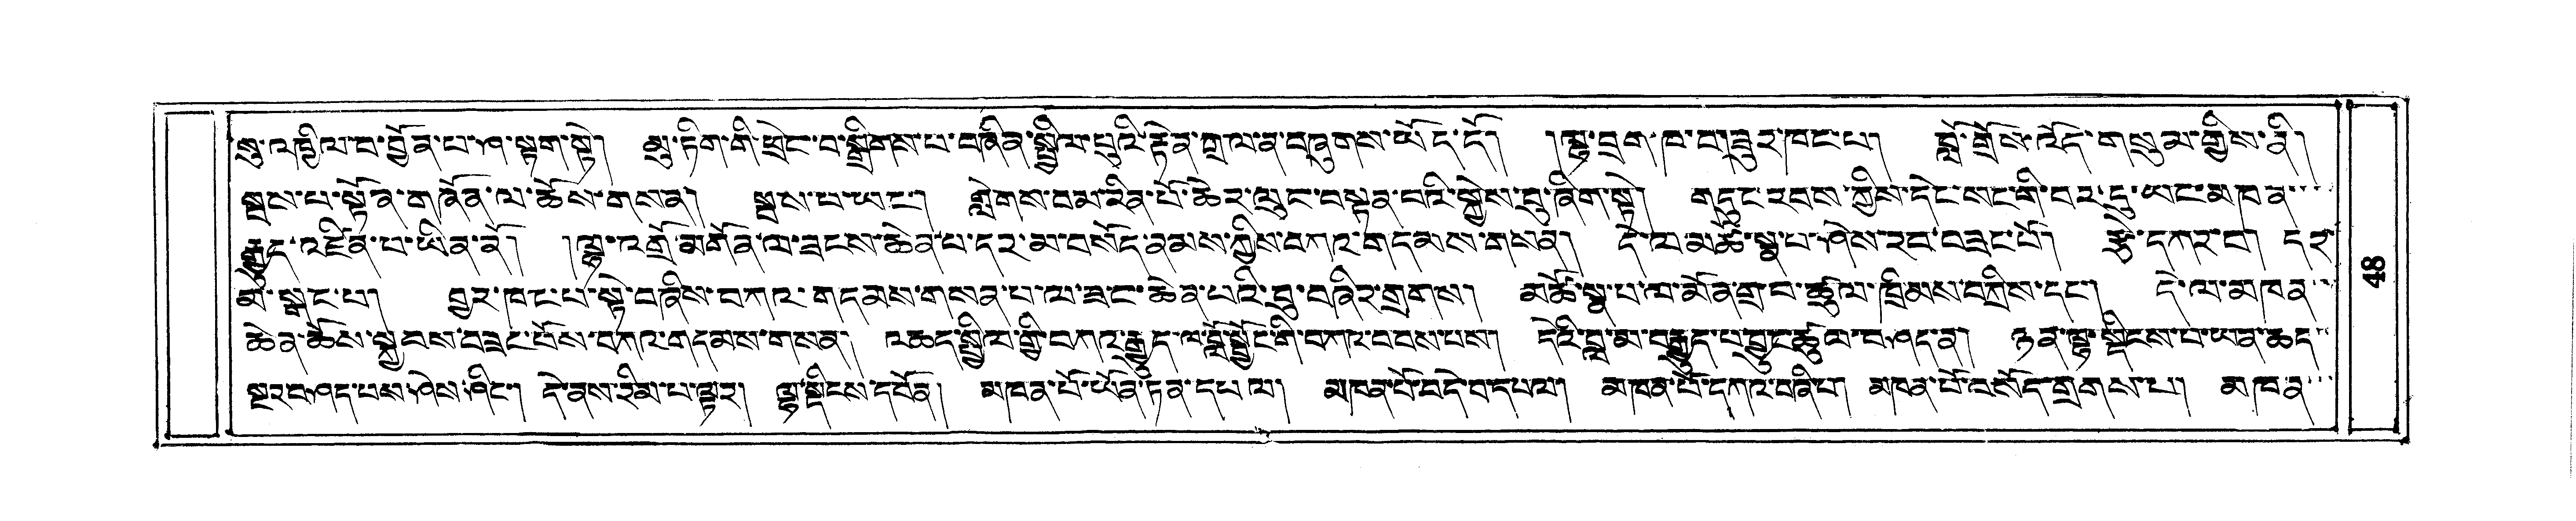སུ་འཁྱིལ་བ་བྱོན་པ་ཤ་སྟག་སྟེ། མུ་ཏིག་གི་ཕྲེང་བ་སྒྲིགས་པ་བཞིན་སྤྱིལ་པུའི་རྟེན་གྲ་ལ་ན་བཞུགས་ཡོད་དོ། །ལྷ་བྲག་ཁ་གཟུར་ཁང་པ། བློ་གྲོས་འོད་གསུམ་གྱིས་ནི།
སྦས་པ་སྟོན་གཞོན་ལ་ཆོས་གསན། སྦས་པ་ཡང་། གླེགས་བམ་རིན་པོ་ཆེར་ལུང་བསྟན་པའི་སྐྱེས་བུ་ཞིག་སྟེ། གདུང་རབས་ཀྱིས་དེང་སང་གི་བར་དུ་ཡང་མཁན་
རྒྱུད་འཛིན་པ་ཡིན་ནོ། །ལྷ་འགྲོ་མགོན་ལ་ཟངས་ཆེན་པ་དར་མ་བསོད་ནམས་ཀྱིས་བཀའ་གདམས་གསན། དེ་ལ་མཚོ་སྣ་པ་ཤེས་རབ་བཟང་པོ། རྩེ་དཀར་བ། དར་
མ་སྒང་པ། བྱར་ཁང་པ་སྟེ་བཞིས་བཀའ་གདམས་གསན་པ་ལ་ཟང་ཆེན་པའི་བུ་བཞིར་གྲགས། མཚོ་སྣ་པ་ལ་མོན་གྲ་བ་ཚུལ་ཁྲིམས་བཀྲིས་དང་། དེ་ལ་མཁན་
ཆེན་ཆོས་སྐྱབས་བཟང་པོས་བཀའ་གདམས་གསན། འཆད་སྤྱིལ་གྱི་བཀའ་རྒྱུད་ལ་བློ་སྦྱོང་གི་བཀའ་བབས་པས། དེའི་བླ་མ་བརྒྱུད་པ་བྱུང་ཚུལ་བཤད་ན། ཉན་ལྷ་སྡིངས་པ་ཡན་ཆད་
སྔར་བཤད་པས་ཤེས་ཤིང་། དེ་ནས་རིམ་པ་ལྟར། ལྷ་སྡིངས་དབོན། མཁན་པོ་ཡོན་ཏན་དཔལ། མཁན་པོ་བདེ་བ་དཔལ། མཁན་པོ་དཀའ་བཞི་པ། མཁན་པོ་བསོད་གྲགས་པ། མཁན་